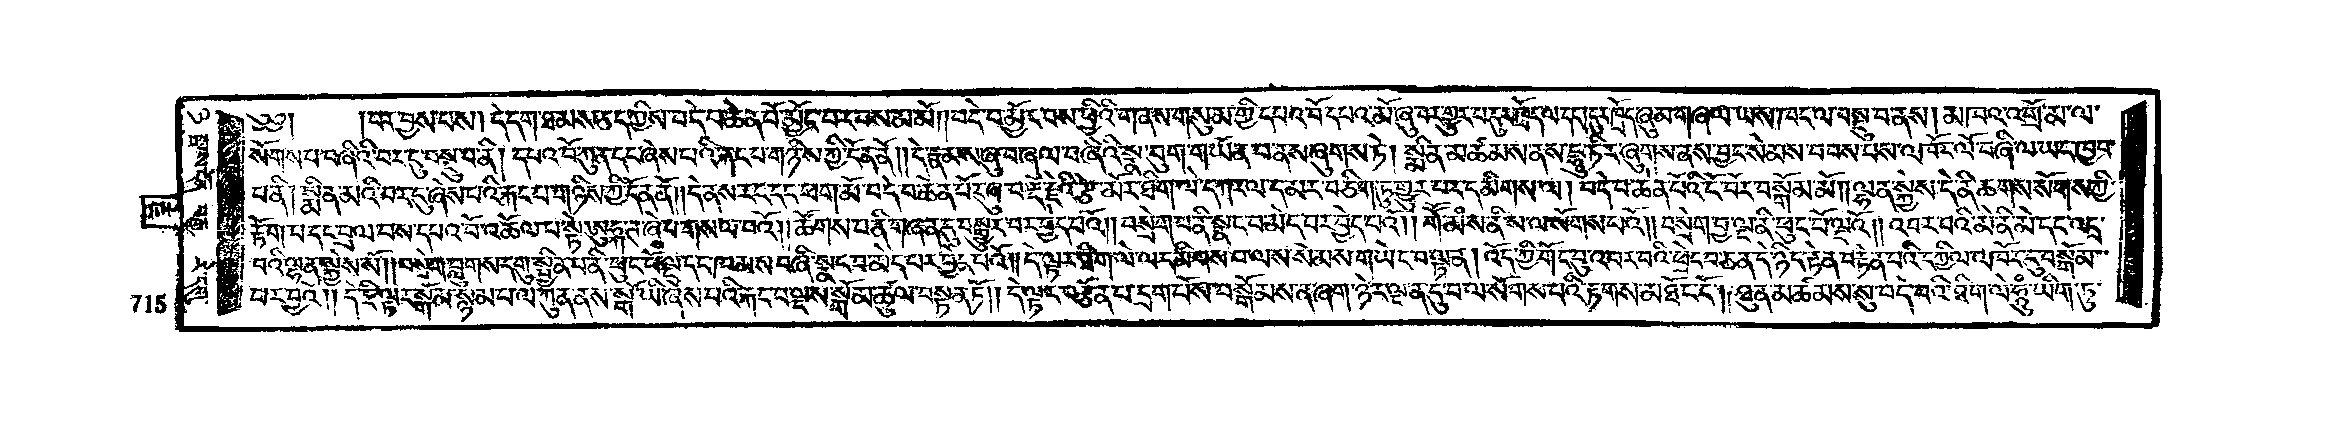༄༅། །བར་བྱས་པས། དེ་དག་ཐམས་ཅད་ཀྱིས་བདེ་བ་ཆེན་པོ་མྱོང་བར་བསམ་མོ། །བདེ་བ་མྱོང་བས་ཕྱིའི་གནས་གསུམ་གྱི་དཔའ་བོ་དཔའ་མོ་ཞུ་བར་གྱུར་པ་དུར་ཁྲོད་ལ་དང་། དུར་ཁྲོད་ཞུ་བ་གཞལ་ཡས་ཁང་ལ་བསྡུ་བ་ནས། མཁའ་འགྲོ་མ་ལ་
སོགས་པ་བཞིའི་བར་དུ་བསྡུ་བ་ནི། དཔའ་བོ་ཀུན་དང་ཞེས་པའི་རྐང་པ་གཉིས་ཀྱི་དོན་ནོ། །དེ་རྣམས་ཞུ་བ་ཞལ་བཞིའི་སྣ་བུག་གཡོན་པ་ནས་ཞུགས་ཏེ། སྨིན་མཚམས་ནས་དྷཱུ་ཏིར་ཞུགས་ནས་བྱང་སེམས་བབས་པས་འཁོར་ལོ་བཞི་ལ་ཡང་ཁྱད་
པ་ནི། སྨིན་མའི་བར་དུ་ཞེས་པའི་རྐང་པ་གཉིས་ཀྱི་དོན་ནོ། །དེ་ནས་རང་དང་ཕག་མོ་བདེ་བ་ཆེན་པོར་ཞུ་བ་རྡོ་རྗེའི་རྩེ་མོར་ཐིག་ལེ་དཀར་ལ་དམར་བ་ཅིག་ཏུ་གྱུར་པར་དམིགས་ལ། བདེ་བ་ཆེན་པོའི་ངོ་བོར་བསྒོམ་མོ། །ལྷན་སྐྱེས་དེ་ནི་ཆགས་སོགས་ཀྱི་
རྟོག་པ་དང་བྲལ་བས་དཔའ་བོ་འཆོལ་པ་སྟེ་ཨུཧྐ་ཊ་ཞེས་པ་གསལ་བའོ། །ཚོགས་པ་ནི་གཞན་དུ་བསྒྱུར་བར་བྱེད་པའོ། །བསྲེག་པ་ནི་སྣང་བ་མེད་པར་བྱེད་པའོ། །གཽ་མཾ་ས་ནི་ས་ལ་སོགས་པའོ། །བསྲེག་བྱ་ལྔ་ནི་ཕུང་པོ་ལྔའོ། །འབར་བའི་མེ་ནི་མེ་དང་འདྲ་
བའི་ལྷན་སྐྱེས་སོ། །བསྲེག་བླུགས་དགུ་སྦྱིན་པ་ནི་ཕུང་པོ་ལྔ་དང་ཁམས་བཞི་སྣང་བ་མེད་པར་བྱེད་པའོ། །དེ་ལྟར་ཐིག་ལེ་ལ་དམིགས་པ་ལས་སེམས་གཡེང་བ་ལྟ་ན། འོད་ཀྱི་གོང་བུ་འབར་བའི་ཕྲེང་བ་ཅན་དེ་ཉིད་རྟེན་བརྟེན་བའི་དཀྱིལ་འཁོར་དུ་བསྒོམ་
པར་བྱའོ། །དེ་ཇི་ལྟར་སྒོམ་སྙམ་པ་ལ་ཀུན་ནས་སྒོ་ཡི་ཞེས་པའི་རྐང་པ་ལྔས་སྒོམ་ཚུལ་བསྟན་ཏོ། །དེ་ལྟར་བརྩོན་པ་དྲག་པོས་བསྒོམས་ན་ཞག་ཉེར་ལྔ་ན་དུ་བ་ལ་སོགས་པའི་རྟགས་མཐོང་ངོ། །ཐུན་མཚམས་སུ་བདེ་བའི་ཐིག་ལེ་ཧཱུཾ་ཡིག་ཏུ་